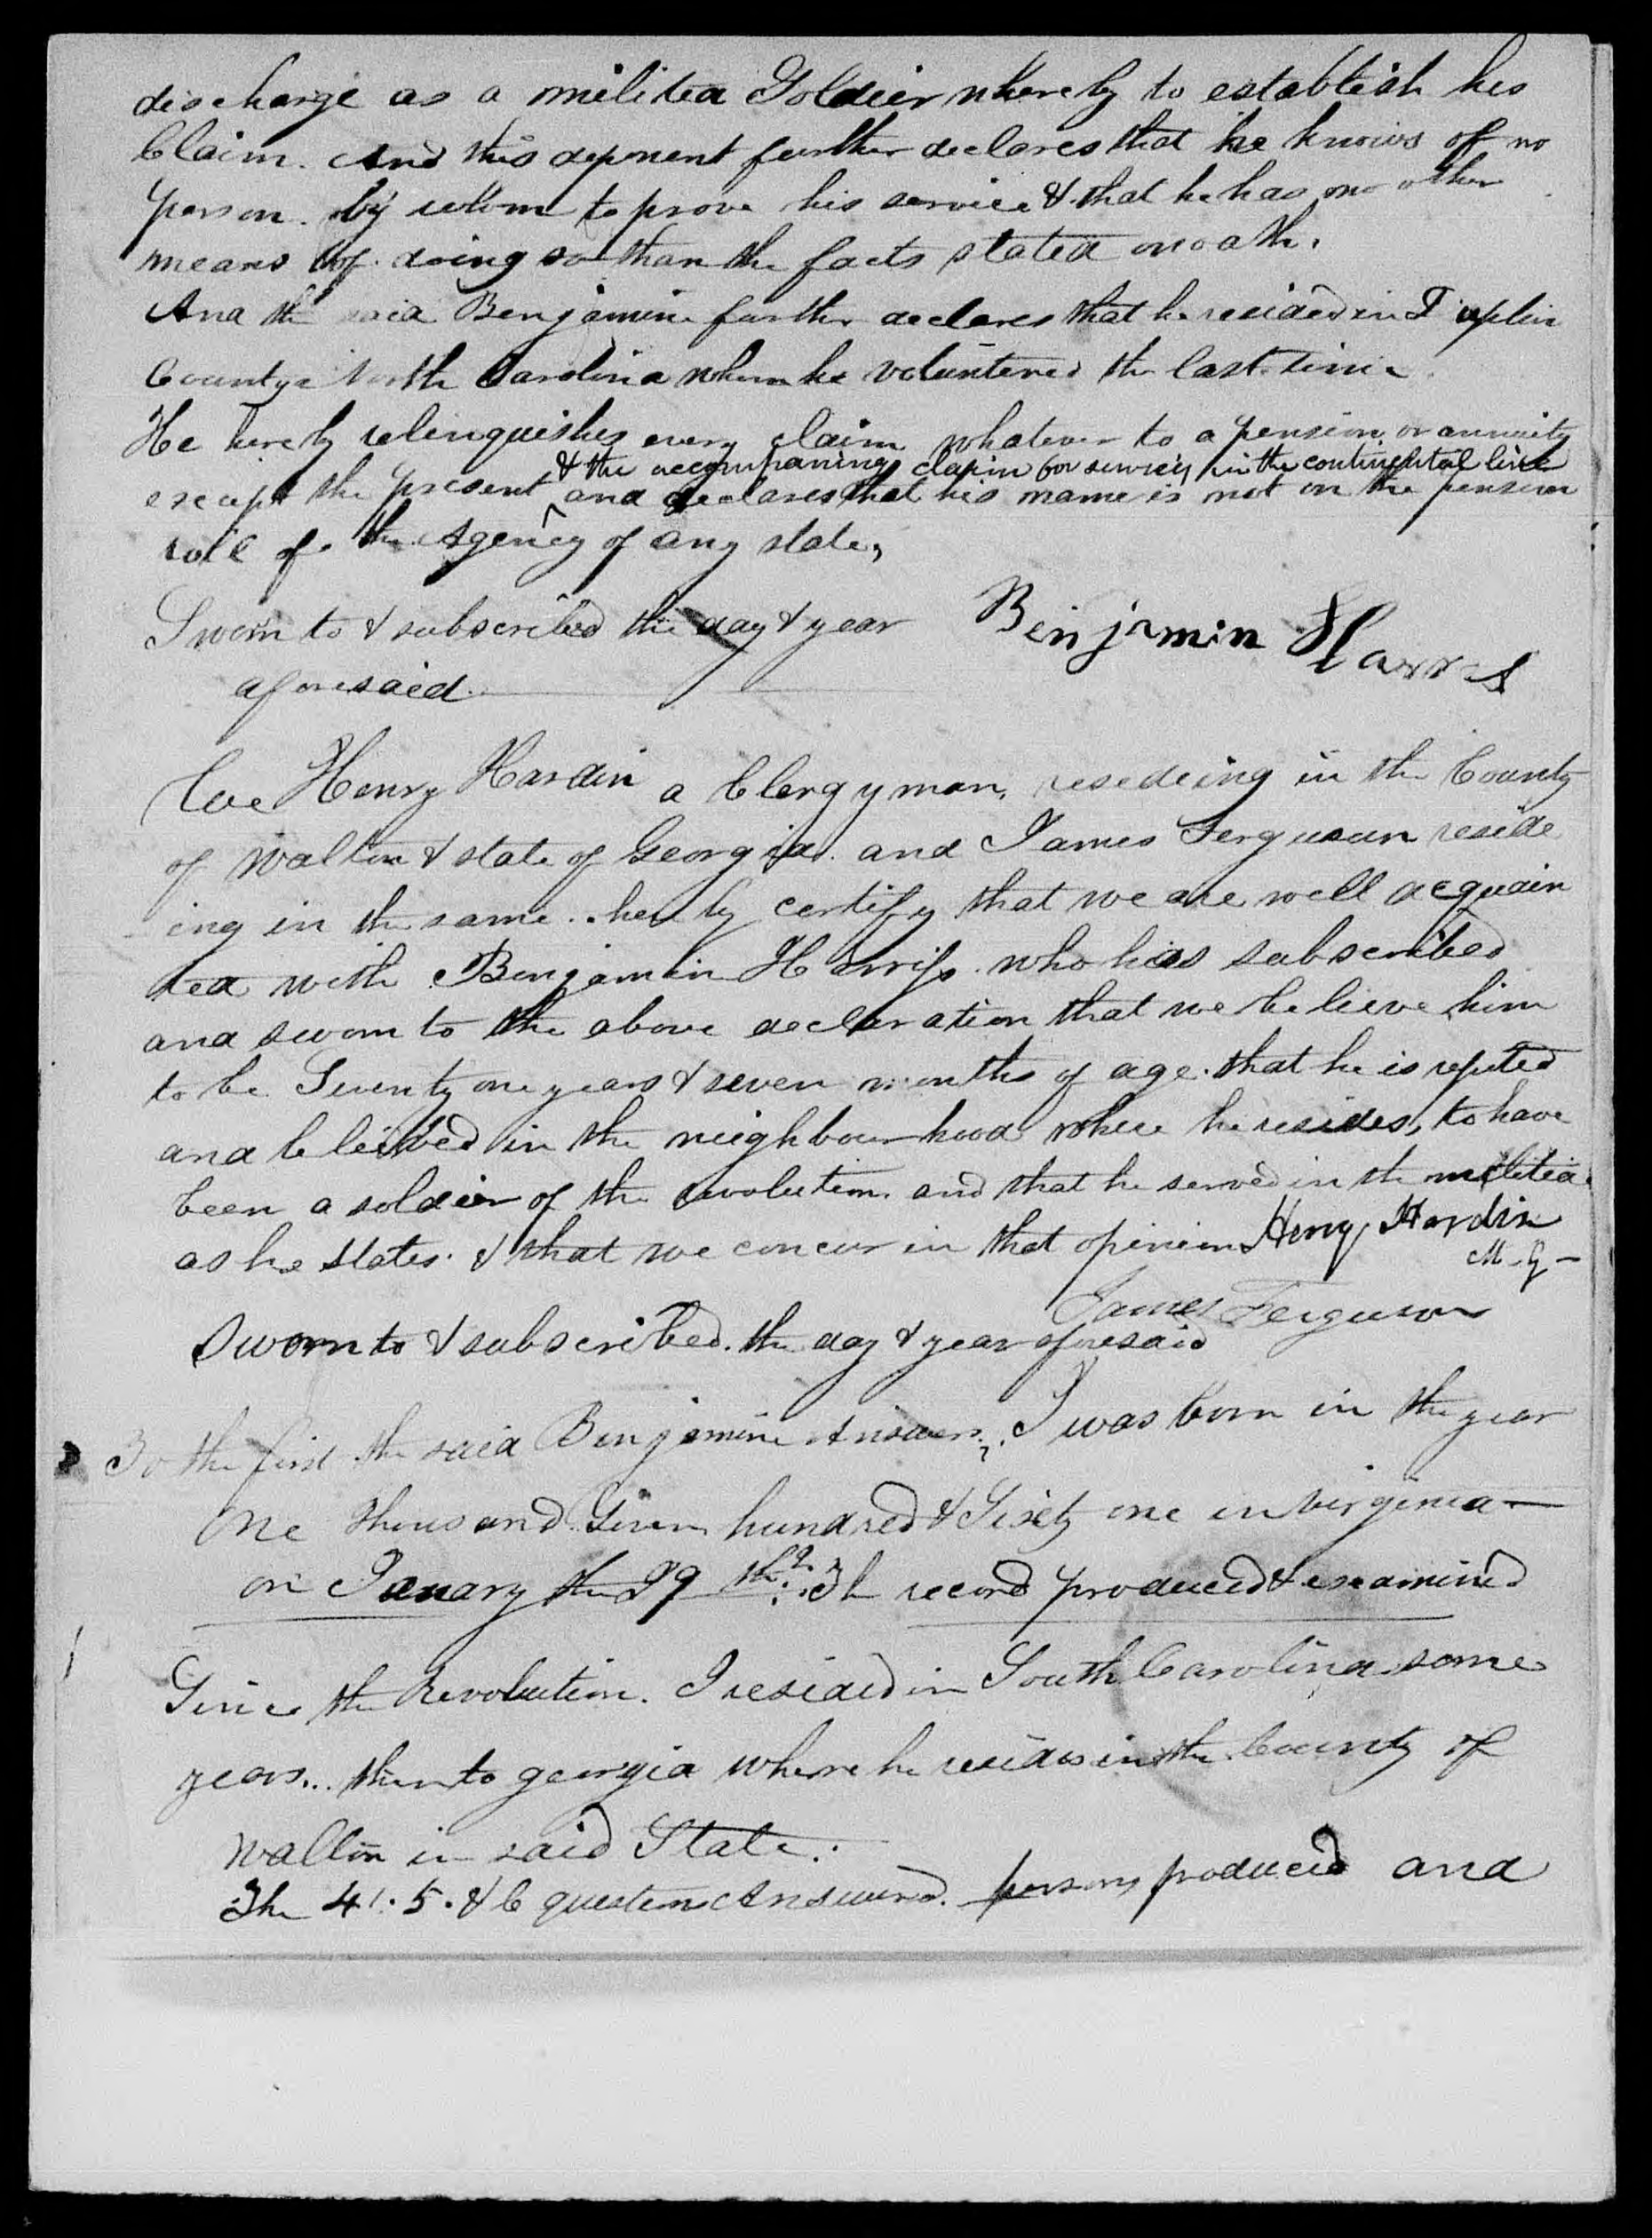discharge as a militia Soldier whereby to establish his Claim And this deponent further declares that he knows of no person by whom to prove his service & that he has no other means of doing so than the facts stated on oath. 

And the said Benjamin further declares that he resided in this County North Carolina when he volunteered the last time 

He hereby relinquishes every claim whatever to a pension or annuity & the accompaning claim for services in the continental line except the present and declares that his name is not on the pension all of the Agency of any state Sworn to & subscribed the day & year aforesaid 
Benjamin Harris o

We Henry Hardin a Clergyman residing in the County of Walton & state of Georgia and James Ferguson residing in the same hereby certify that we are well acquainted with Benjamin Harriss who has subscribed and sworn to the above declaration that we believe him to be Seventy one years & seven months of age that he is reputed and believed in the neighbourhood where he resides, to have been a soldier of the revolution, and that he served in the militia as he states. & that we concur in that opinion 
Henry Hardin 
James Ferguson 

Sworn to & subscribed the day & year aforesaid 

To the first the said Benjamin Answer: I was born in the year One Thousand seven hundred & Sixty one in Virginia  on January the 19th. The record produced & examined 

Since the Revolution. I resided in South Carolina some year thereto Georgia where he resides in the County of Walton in said State 
The 4, 5 & 6  & question answered persons produced and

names: Henry Hardin, Benjamin Harriss, James Ferguson, Benjamin Harris, Benjamine, Heny Hardin, Benjamine, James Ferguson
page: 32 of 62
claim: survivor's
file: S. 38816, Benjamin Harris, Mass.